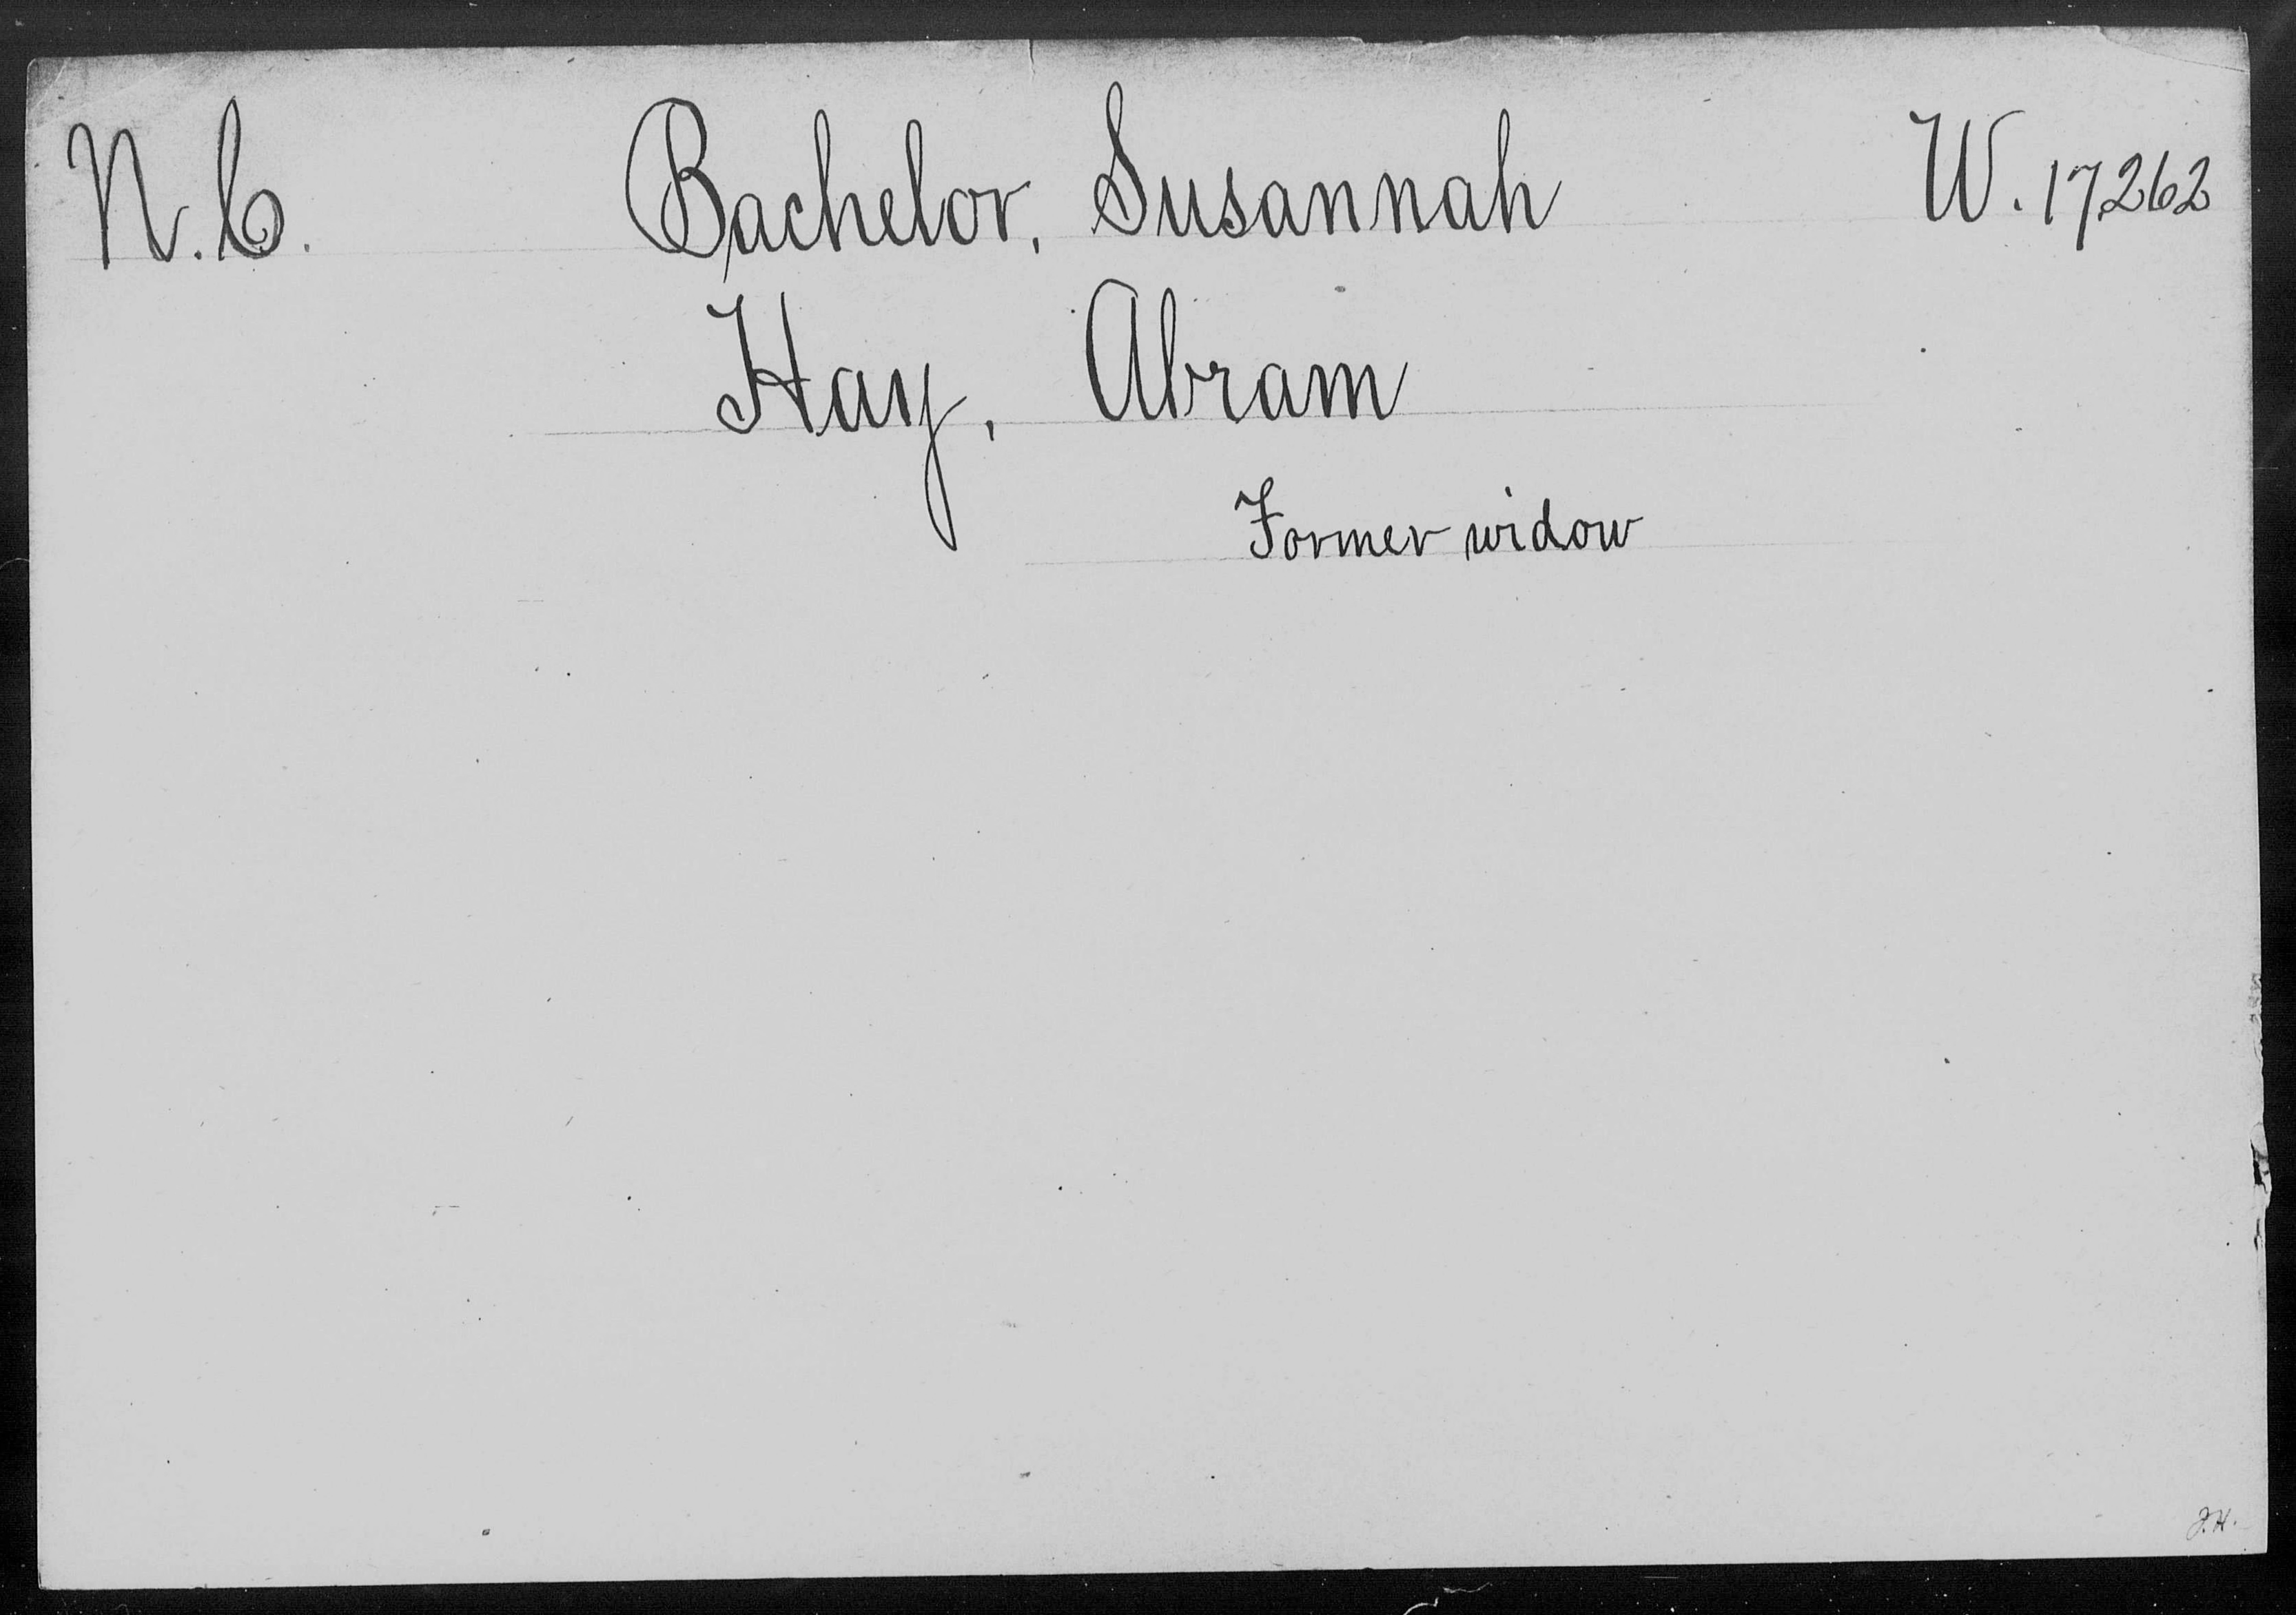Bachelor, Susannah
W.17262
Hay, Abram
Former widow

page: 1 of 1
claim: widow's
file: W. 17262, Susannah Bachelor, N.C.